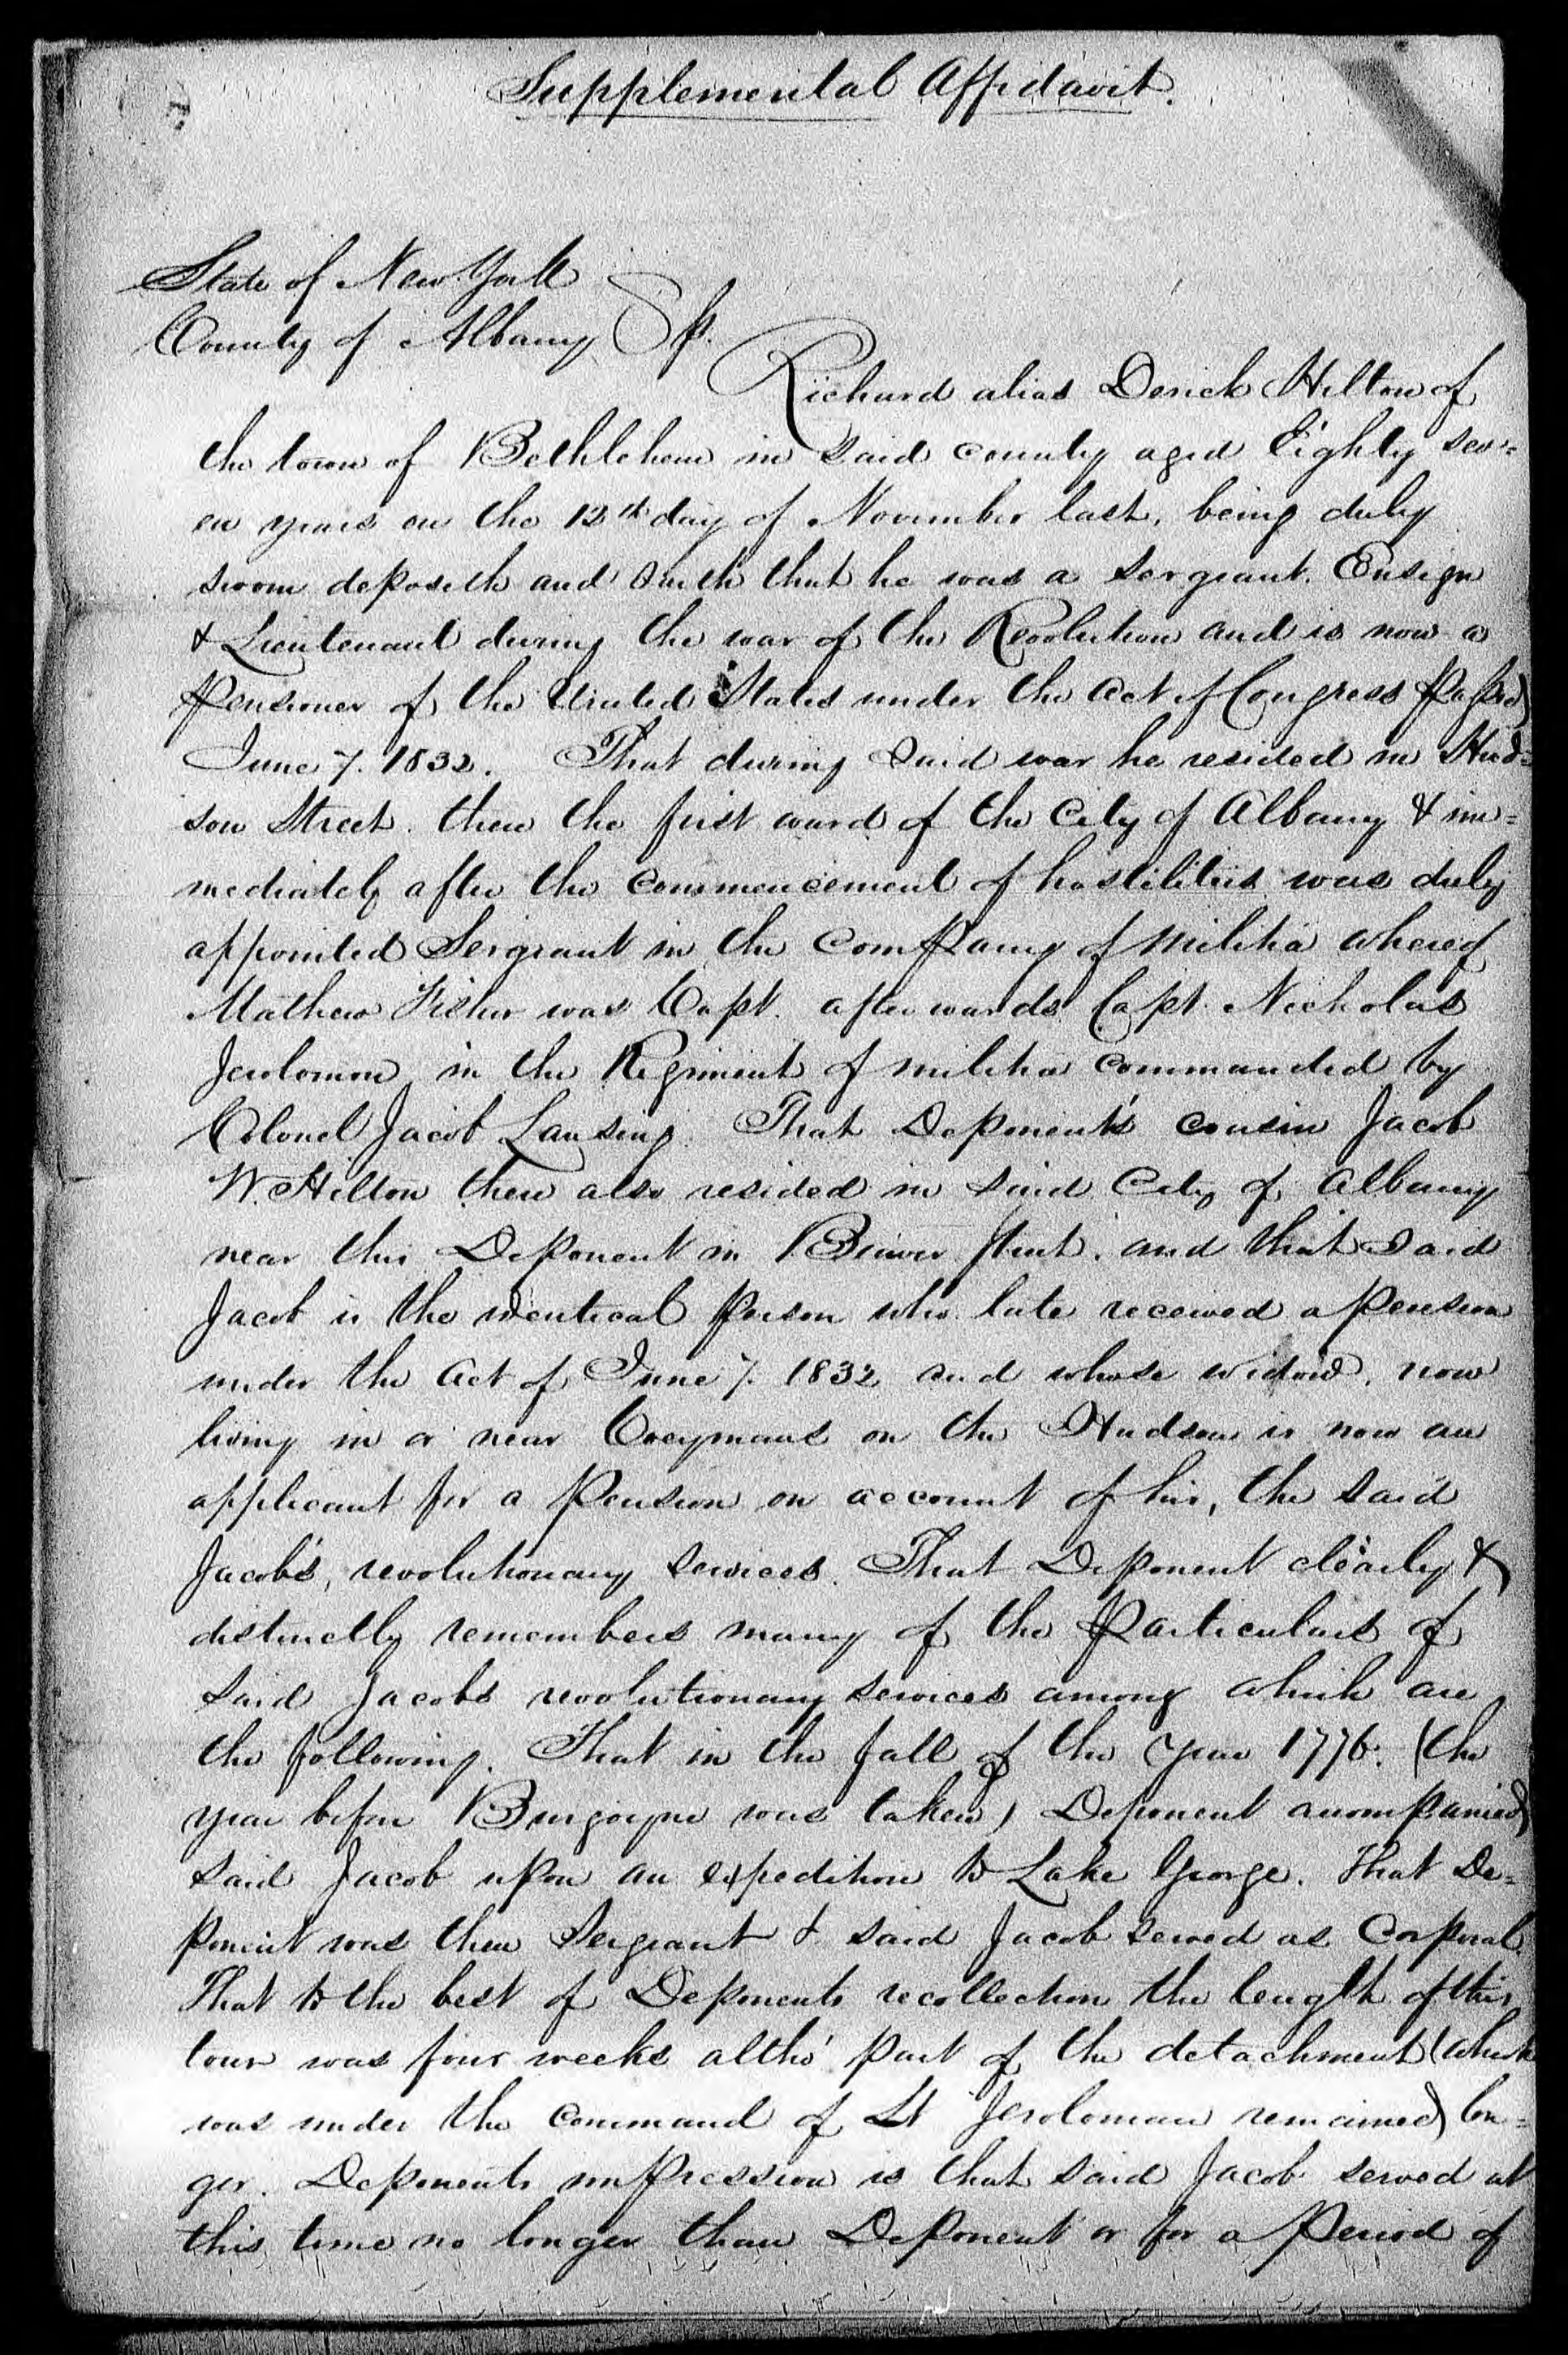Supplemental Affidavit
State of New York 
County of Albany SP 
Richard alias Derrick Hilton of the town of Bethlehem in said county aged Eighty seven years on the 13th day of November last, being duly sworn depends and oath that he was a Sergeant Ensign and Lieutenant during the year of the Revolution and is now a pensioner of the state under the Act of Hampress Papers June 7 1832. That during said war he resided on Hudson
Street, there the full ward of the City of Albany and immediately after the commencement of hostilities was duly appointed Sergeant in the company of militia ahead Matthew Fisher was Dept. afterwards. Capt. Nicholas Jerolmon in the Regiment of militia commanded by Colonel Jacob Lansing. That Department's cousin Jacob W. Hilton there also resided in said City of Albany near this Deponent in Braver Street and what aid Jacob in the identical person who late received a pension under the Act of June 7 1832 said whose widowed now living in or near Coeymans on the Hudson is now an applicant for a pension on account of this, the said distinctly remembers many of the particulars of said Jacobs revolutionary services among which are  the following. That in the fall of the year 1776, the year before Brangiopee some taken, Deferred accompanied said Jacob upon the expedition to Lake George. That he pencil some the Sergeant and said Jacob leaned at Capital. That is the best of Deponents recollection the length of this tour was four weeks altho' part of the detachments (which was under the command of Lt. Jerolomon remained on) ger. Deponents impression is that said Jacob served as this time no longer than Deponent or for a period of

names: Mathew Fisher, Jacob, Richard Hilton, Jacob Lansing, Jacob, Jacob, Jacob W Hilton, Jeroloman, Burgoyne, Jacob, Nicholas Jerolmon, Jacob, Jacob, Derick Hilton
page: 24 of 48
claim: widow's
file: W. 19788, Jacob W Hilton, New York